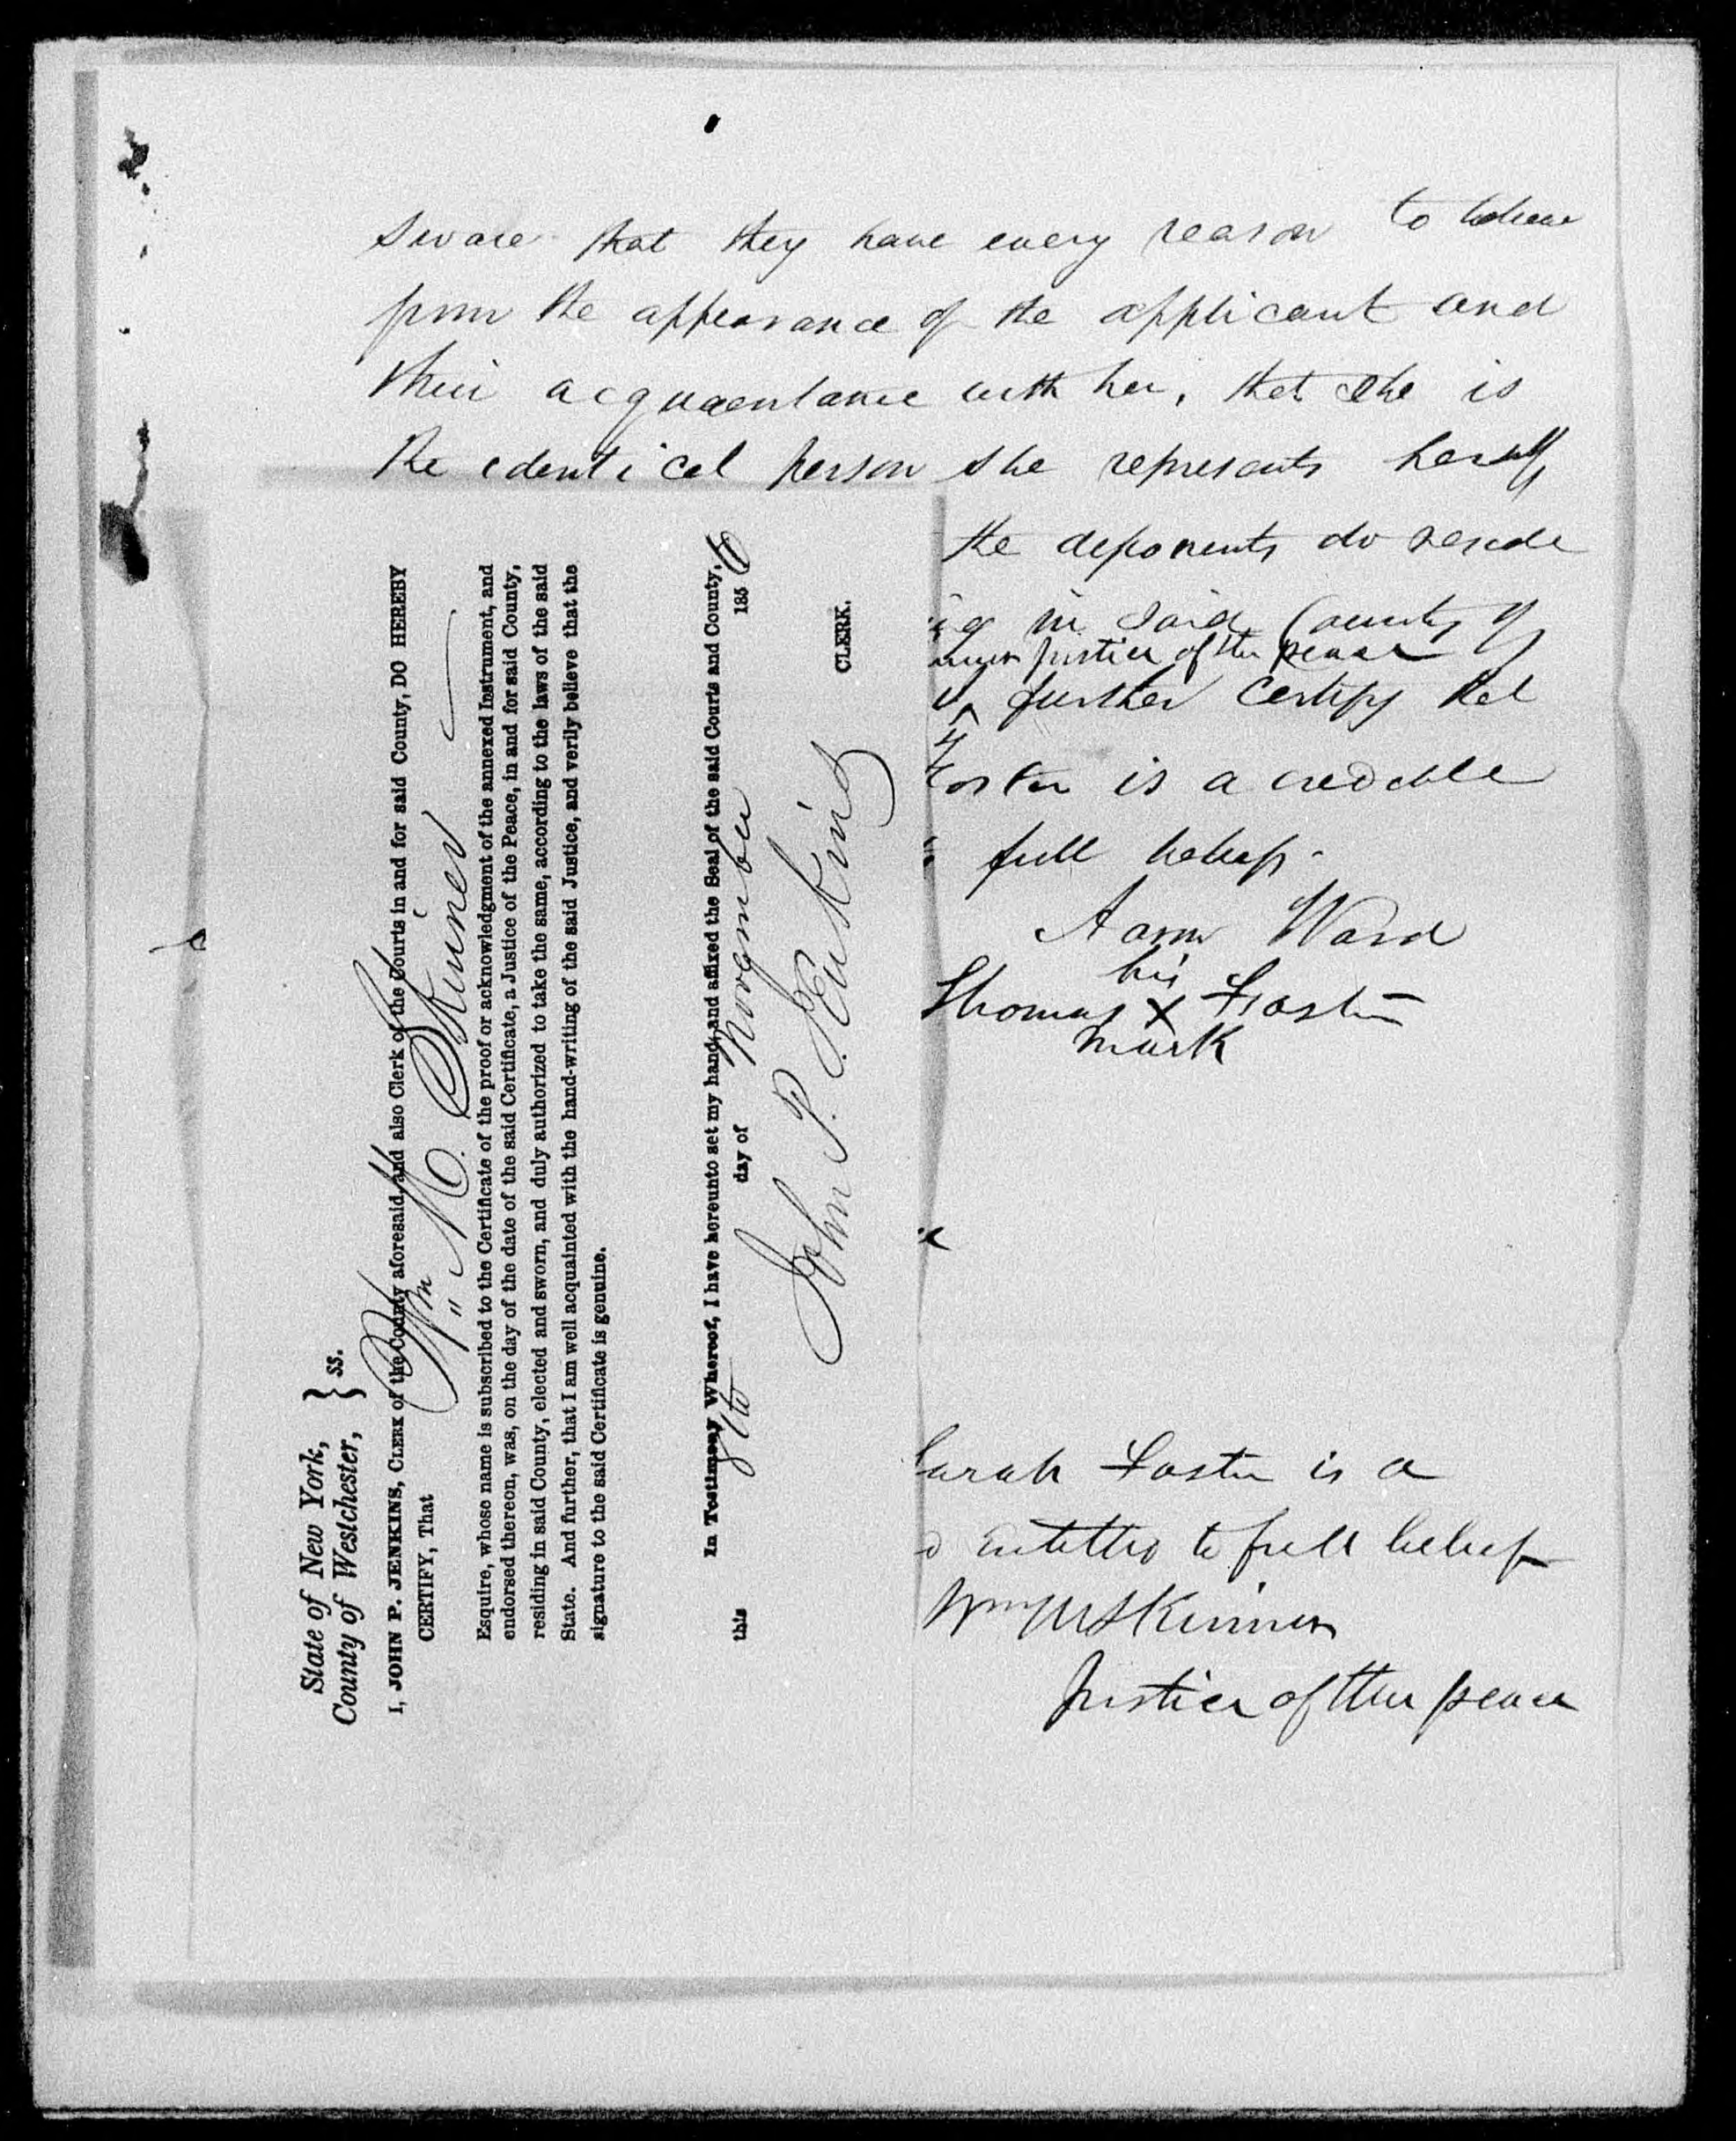swear that they have every reason to believe from the appearance of the applicant and the acquaintance with her, that she is the identical person she represents herself
(Paper over some of the text)
the deponent do reside
in said County of
Justice of the Peace
Further certify that
Foster is a credible
full belief.
Aaron Ward
Thomas Foster his x mark

Sarah Foster is a 
entitled to full belief
Wm. M. Skinner
Justice of the Peace

(document covering part of letter)
STATE OF NEW YORK,  
County of Westchester, SS  
I, John P. Jenkins, Clerk of the County aforesaid, and also Clerk of the Courts in and for said County, DO HEREBY CERTIFY, That Wm. M. Skinner Esquire, whose name is subscribed to the certificate of the proof or acknowledgement of the annexed Instrument, and enforced thereon, was, on the day of then date of the said Certificate, a Justice of the Peace, in and for said County, residing in said County, elected and sworn, and duly authorized to take the same, according to the laws of the said State. And further, that I am well acquainted with the hand writing of the said Justice, and verily believe that the signature to the said Certificate is genuine.  In Testimony Whereof, I have hereunto set my hand, and affixed the Seal of the said Courts and County, this 8th day of November 1856 John P. Jenkins Clerk.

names: Aaron Ward, John P Jenkins, Sarah Foster, Thomas Foster, Wm M Skinner, John P Jenkins, Foster, Wm M Skinner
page: 53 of 57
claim: widow's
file: W. 5275 1/2, Michael Foster, Penn.